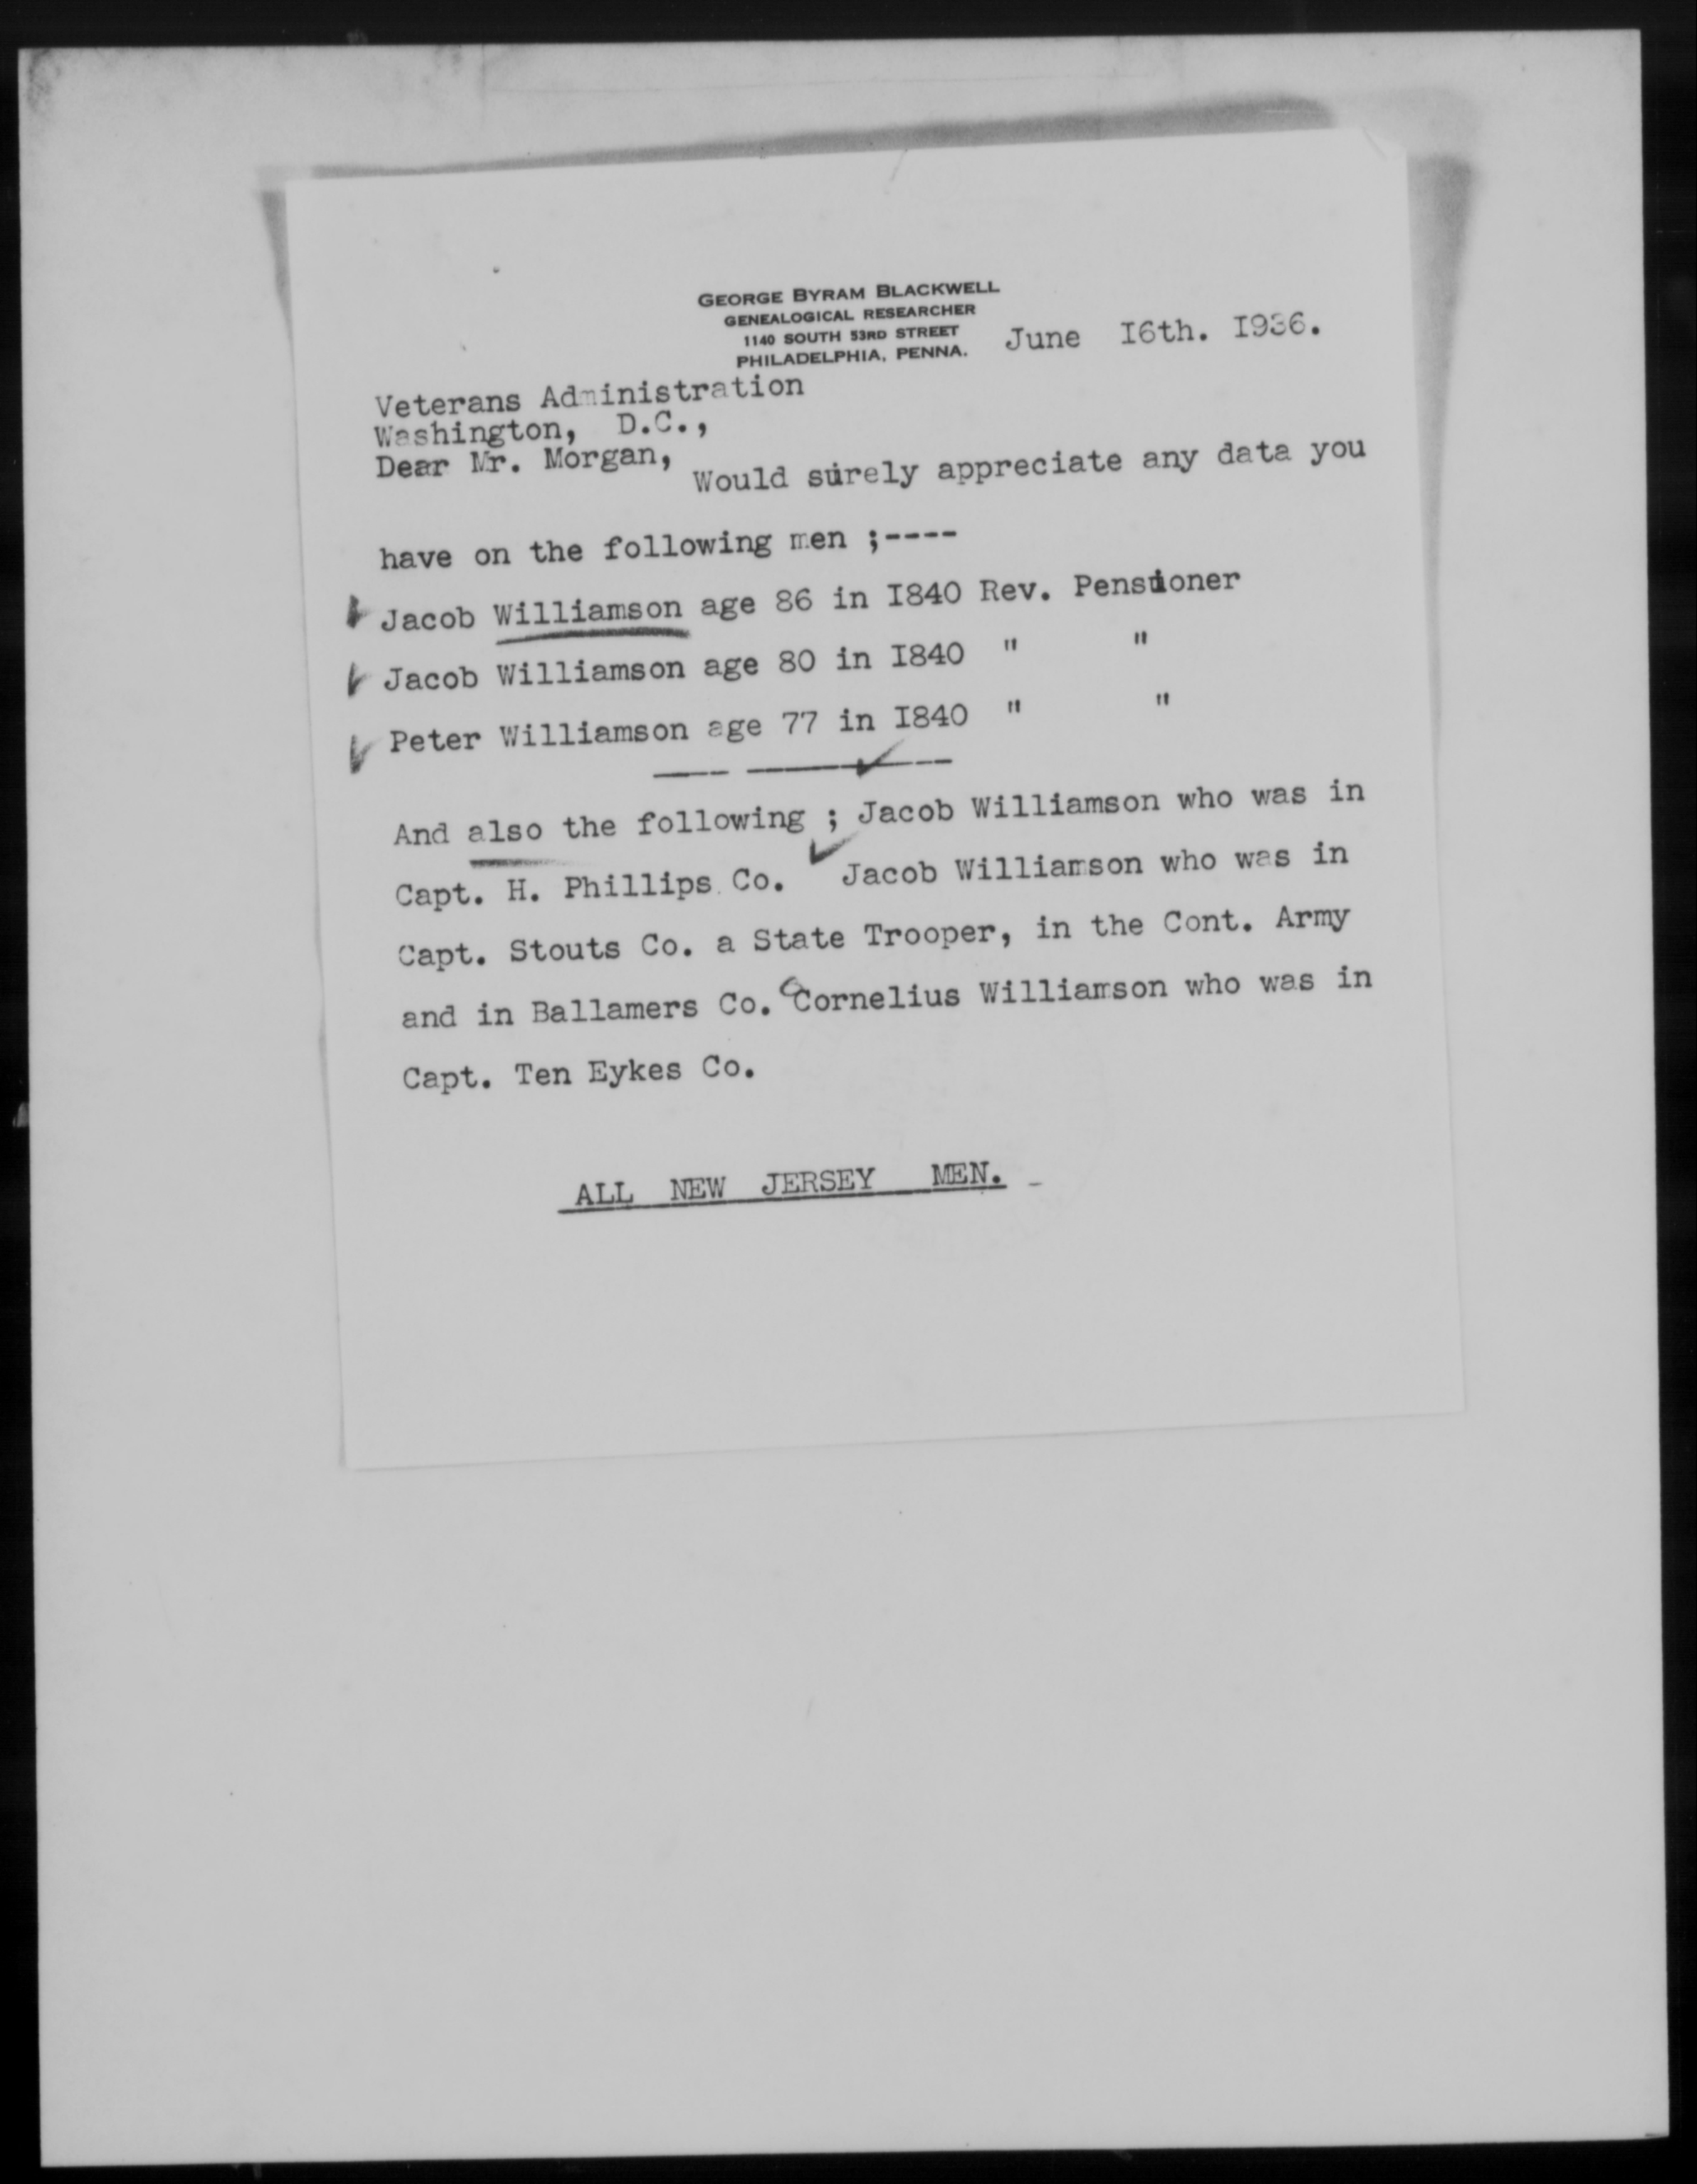GEORGE BYRAM BLACKWELL
GENEALOGICAL RESEARCHER
1140 SOUTH 53RD STREET
PHILADELPHIA, PENNA.

June 16th, 1936.

Veterans Administration
Washington, D.C.

Dear Mr. Morgan,

Would surely appreciate any data you have on the following men.:

Jacob Williamson, age 86 in 1840, Rev. Pensioner.
Jacob Williamson, age 80 in 1840, Rev. Pensioner.
Peter Williamson, age 77 in 1840, Rev. Pensioner.

And also the following; Jacob Williamson who was in Capt. H. Phillips Co. Jacob Williamson who was in Capt. Stouts Co. a State Trooper, in the Cont. Army and in Ballamers Co. Cornelius Williamson who was in Capt. Ten Eykes Co.

ALL NEW JERSEY MEN.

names: Jacob Williamson, Cornelius Williamson, Peter Williamson, Morgan, George Byram Blackwell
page: 64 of 67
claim: widow's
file: W. 2393, Jacob Williamson, New Jersey